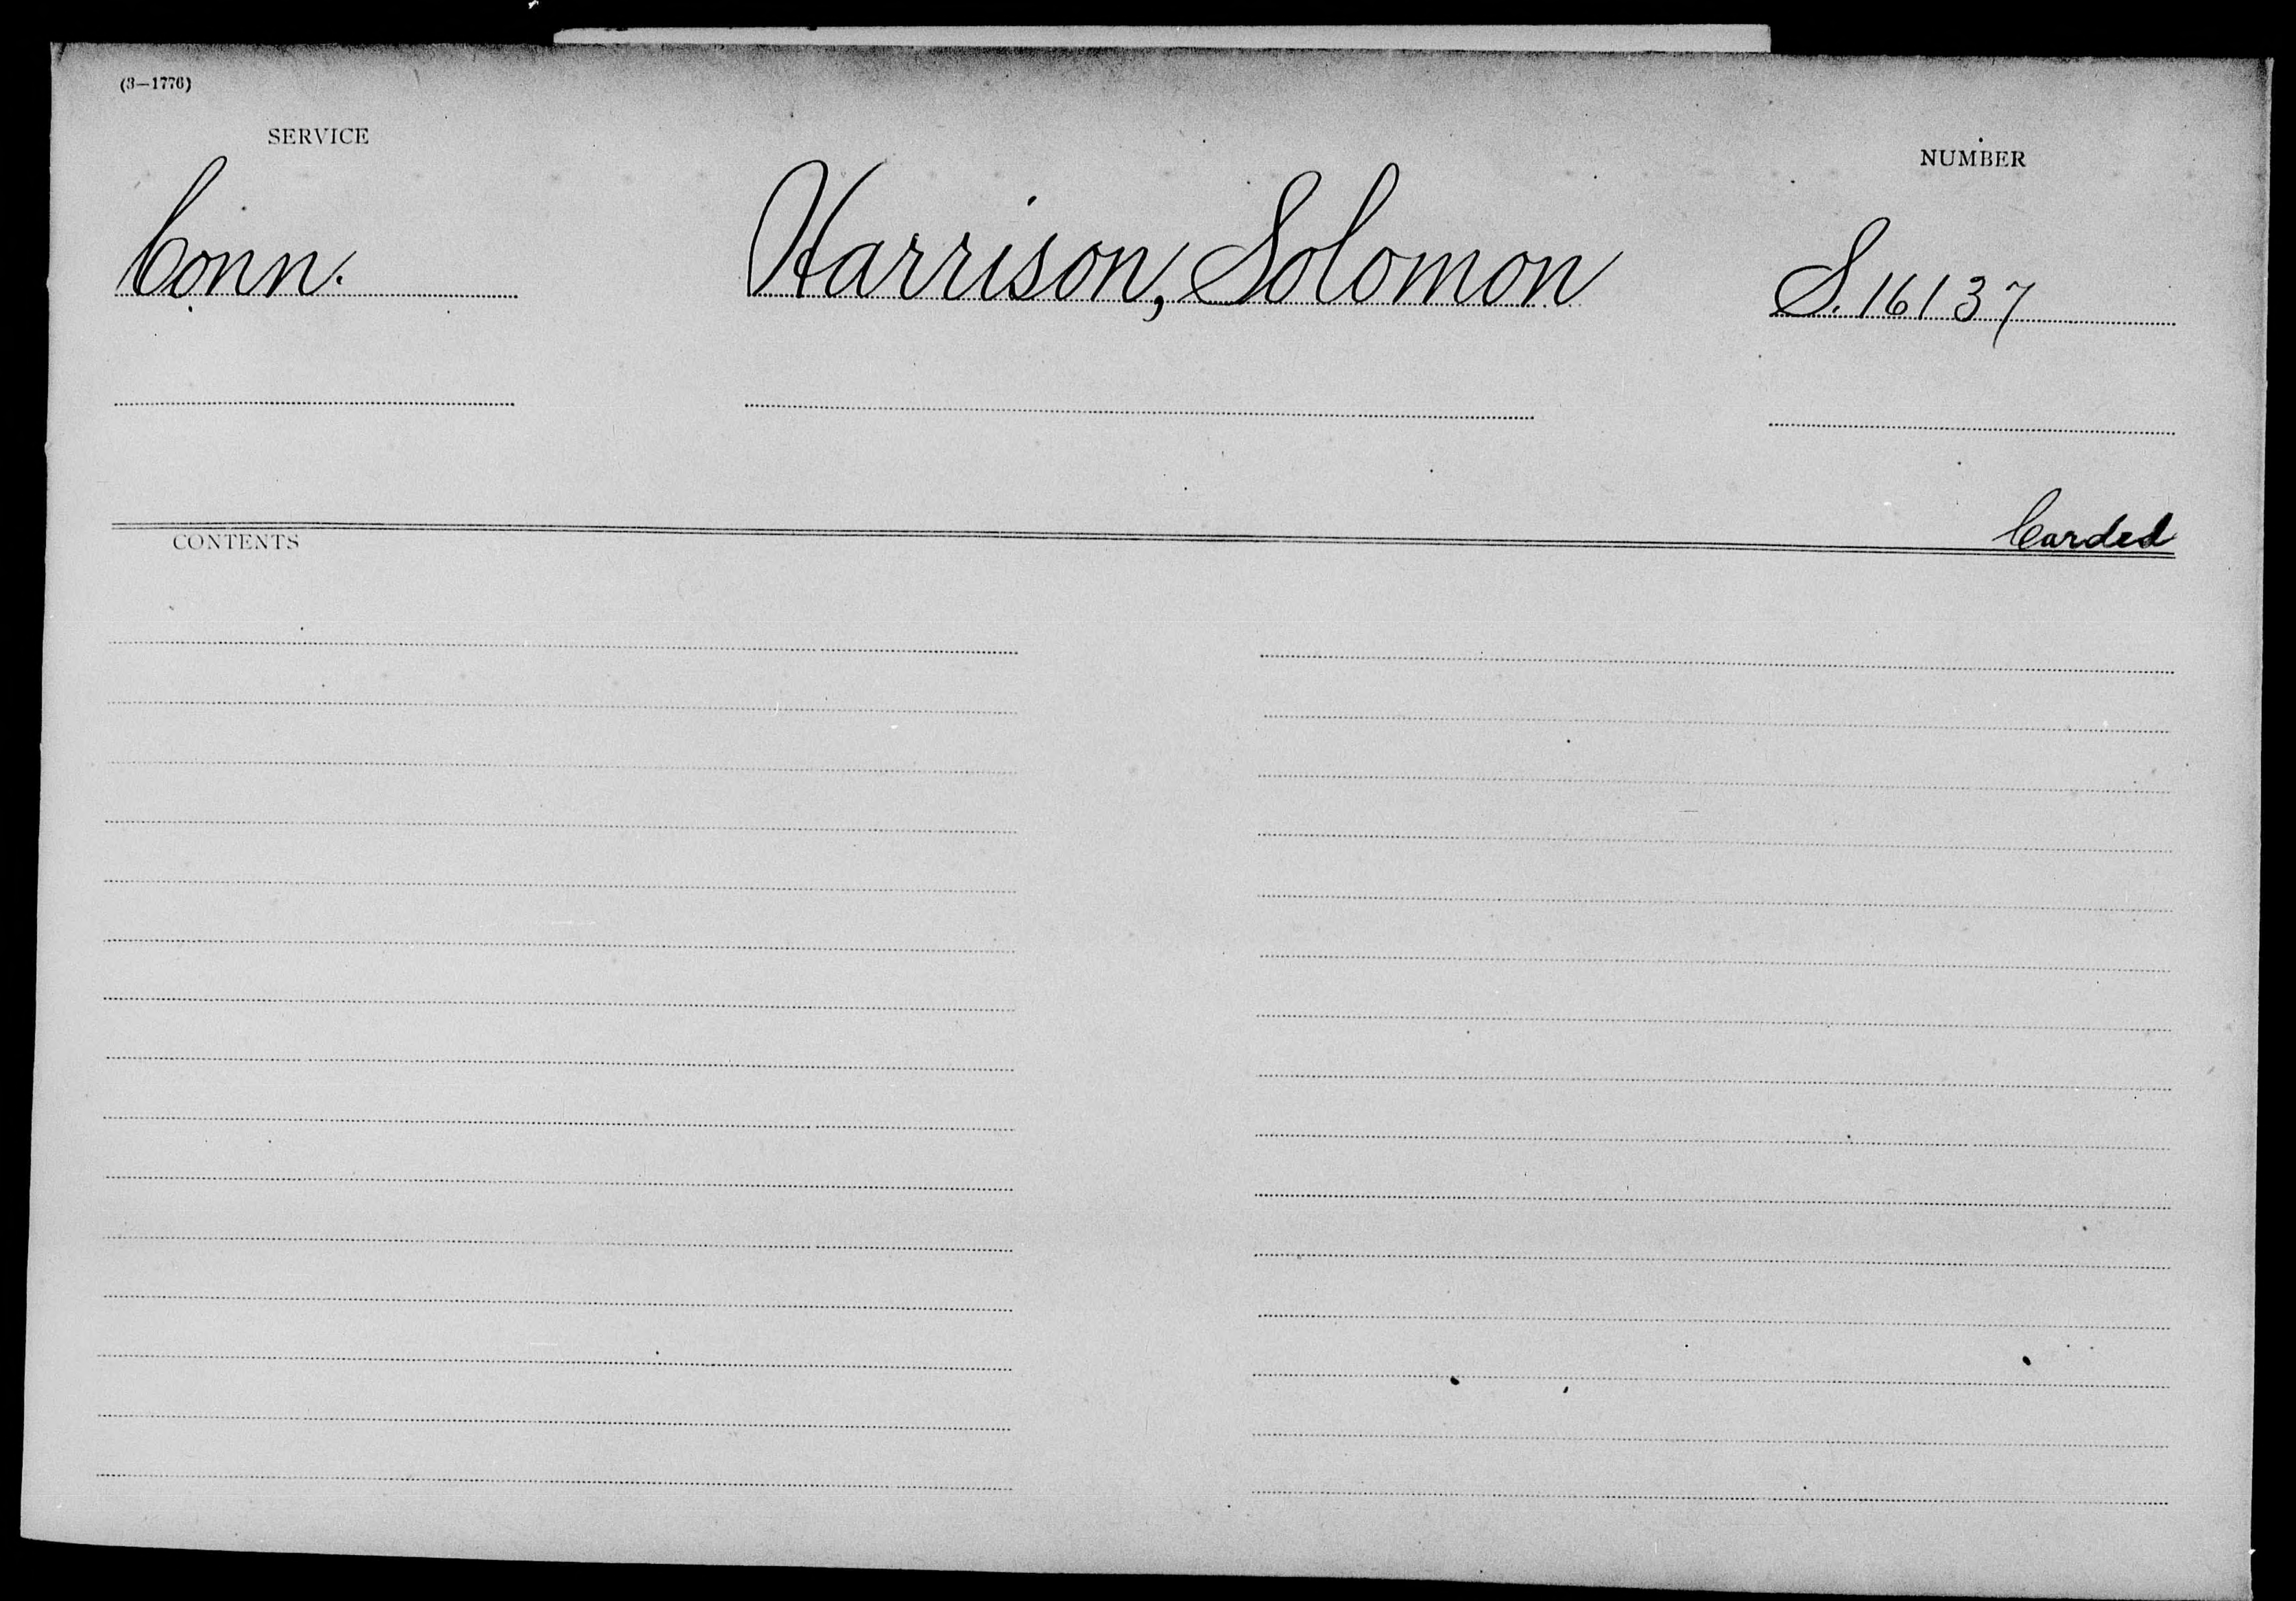(3-1776)
SERVICE | [no column name] | NUMBER
Conn | Harrison, Solomon | S.16137
Carded

CONTENTS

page: 1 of 22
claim: survivor's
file: S. 16137, Solomon Harrison, Conn.